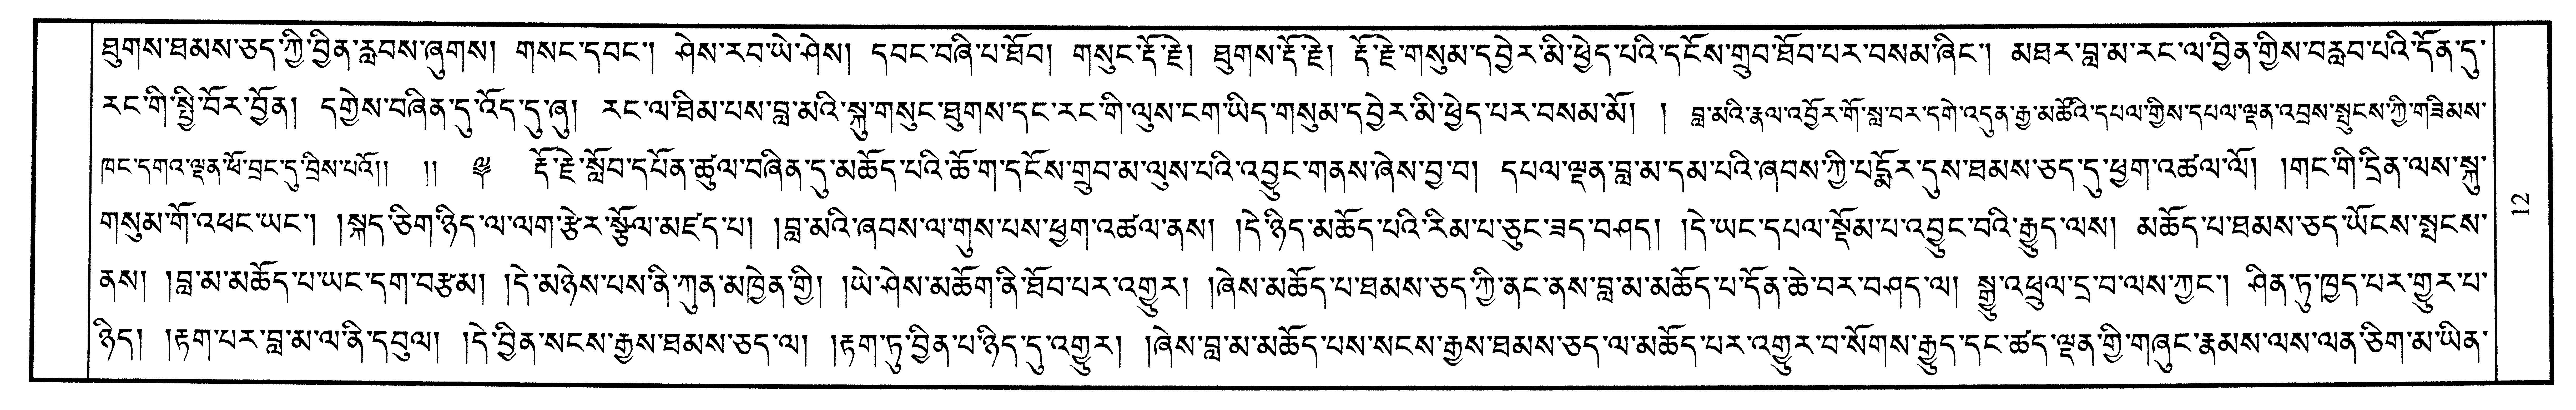ཐུགས་ཐམས་ཅད་ཀྱི་བྱིན་རླབས་ཞུགས། གསང་དབང་། ཤེས་རབ་ཡེ་ཤེས། དབང་བཞི་པ་ཐོབ། གསུང་རྡོ་རྗེ། ཐུགས་རྡོ་རྗེ། རྡོ་རྗེ་གསུམ་དབྱེར་མི་ཕྱེད་པའི་དངོས་གྲུབ་ཐོབ་པར་བསམ་ཞིང་། མཐར་བླ་མ་རང་ལ་བྱིན་གྱིས་བརླབ་པའི་དོན་དུ་
རང་གི་སྤྱི་བོར་བྱོན། དགྱེས་བཞིན་དུ་འོད་དུ་ཞུ། རང་ལ་ཐིམ་པས་བླ་མའི་སྐུ་གསུང་ཐུགས་དང་རང་གི་ལུས་ངག་ཡིད་གསུམ་དབྱེར་མི་ཕྱེད་པར་བསམ་མོ། བླ་མའི་རྣལ་འབྱོར་གོ་སླ་བར་དགེ་འདུན་རྒྱ་མཚོའི་དཔལ་གྱིས་དཔལ་ལྡན་འབྲས་སྤུངས་ཀྱི་གཟིམས་
ཁང་དགའ་ལྡན་ཕོ་བྲང་དུ་བྲིས་པའོ།། །། ༈ རྡོ་རྗེ་སློབ་དཔོན་ཚུལ་བཞིན་དུ་མཆོད་པའི་ཆོ་ག་དངོས་གྲུབ་མ་ལུས་པའི་འབྱུང་གནས་ཞེས་བྱ་བ། དཔལ་ལྡན་བླ་མ་དམ་པའི་ཞབས་ཀྱི་པདམོར་དུས་ཐམས་ཅད་དུ་ཕྱག་འཚལ་ལོ། །གང་གི་དྲིན་ལས་སྐུ་
གསུམ་གོ་འཕང་ཡང་། །སྐད་ཅིག་ཉིད་ལ་ལག་རྩེར་སྩོལ་མཛད་པ། །བླ་མའི་ཞབས་ལ་གུས་པས་ཕྱག་འཚལ་ནས། །དེ་ཉིད་མཆོད་པའི་རིམ་པ་ཅུང་ཟད་བཤད། །དེ་ཡང་དཔལ་སྡོམ་པ་འབྱུང་བའི་རྒྱུད་ལས། །མཆོད་པ་ཐམས་ཅད་ཡོངས་སྤངས་
ནས། །བླ་མ་མཆོད་པ་ཡང་དག་བརྩམ། །དེ་མཉེས་པས་ནི་ཀུན་མཁྱེན་གྱི། །ཡེ་ཤེས་མཆོག་ནི་ཐོབ་པར་འགྱུར། །ཞེས་མཆོད་པ་ཐམས་ཅད་ཀྱི་ནང་ནས་བླ་མ་མཆོད་པ་དོན་ཆེ་བར་བཤད་ལ། སྒྱུ་འཕྲུལ་དྲ་བ་ལས་ཀྱང་། ཤིན་ཏུ་ཁྱད་པར་གྱུར་པ་
ཉིད། །རྟག་པར་བླ་མ་ལ་ནི་དབུལ། །དེ་བྱིན་སངས་རྒྱས་ཐམས་ཅད་ལ། །རྟག་ཏུ་བྱིན་པ་ཉིད་དུ་འགྱུར། །ཞེས་བླ་མ་མཆོད་པས་སངས་རྒྱས་ཐམས་ཅད་ལ་མཆོད་པར་འགྱུར་བ་སོགས་རྒྱུད་དང་ཚད་ལྡན་གྱི་གཞུང་རྣམས་ལས་ལན་ཅིག་མ་ཡིན་